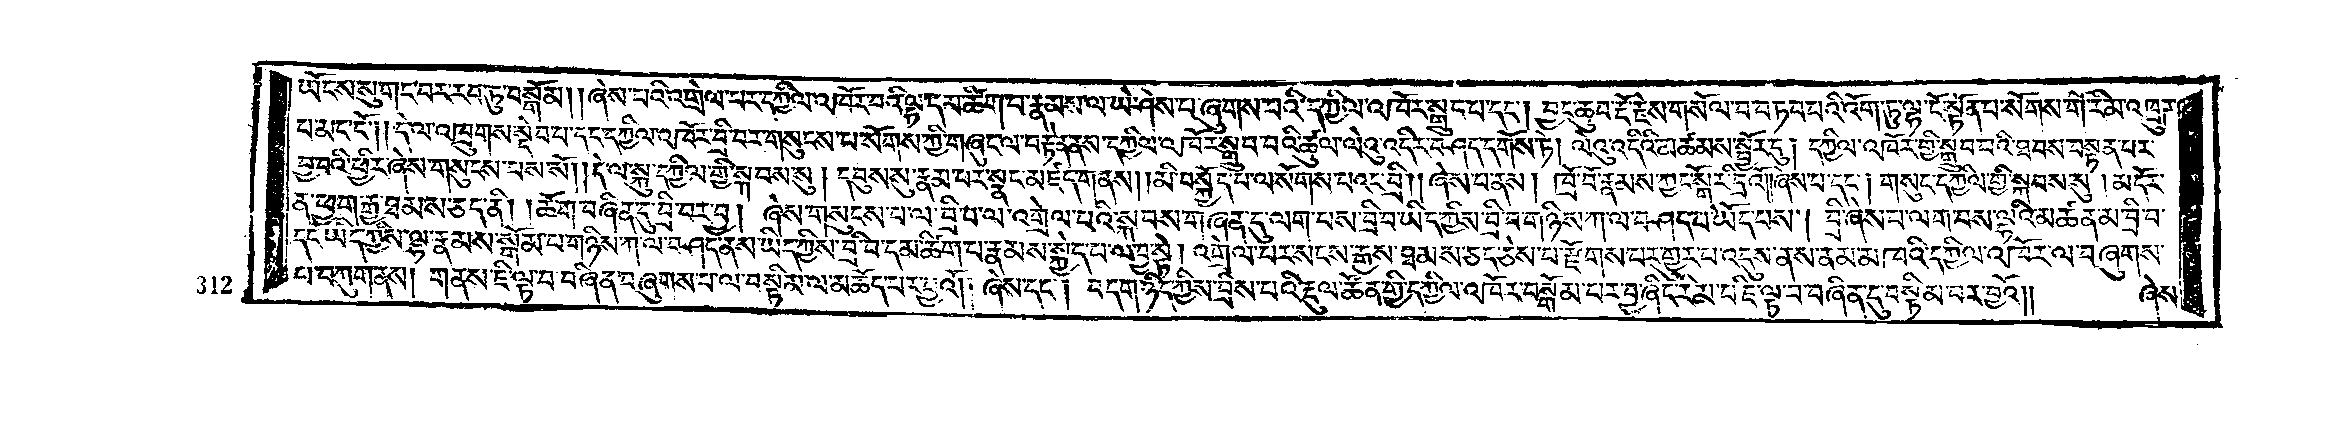ཡོངས་སུ་གང་བར་རབ་ཏུ་བསྒོམ། །ཞེས་པའི་འགྲེལ་པར་དཀྱིལ་འཁོར་བའི་ལྷ་དམ་ཚིག་པ་རྣམས་ལ་ཡེ་ཤེས་པ་ཞུགས་པའི་དཀྱིལ་འཁོར་སྒྲུབ་པ་དང་། བྱང་ཆུབ་རྡོ་རྗེས་གསོལ་བ་བཏབ་པའི་འོག་ཏུ་ལྷ་ངོ་སྟོན་པ་སོགས་གོ་རིམ་འཁྲུཌ་
པ་མང་ངོ། །དེ་ལ་འཁྲུགས་སྡེབ་པ་དང་དཀྱིལ་འཁོར་བྲི་བར་གསུངས་པ་སོགས་ཀྱི་གཞུང་ལ་བརྟེན་ནས་དཀྱིལ་འཁོར་སྒྲུབ་པའི་ཚུལ་ལེའུ་འདིར་བཤད་དགོས་ཏེ། ལེའུ་འདིའི་མཚམས་སྦྱོར་དུ། དཀྱིལ་འཁོར་གྱི་སྒྲུབ་པའི་ཐབས་བསྟན་པར་
བྱ་བའི་ཕྱིར་ཞེས་གསུངས་པས་སོ། །དེ་ལ་སྐུ་དཀྱིལ་གྱི་སྐབས་སུ། དབུས་སུ་རྣམ་པར་སྣང་མཛད་གནས། །མི་བསྐྱོད་པ་ལ་སོགས་པའང་བྲི། །ཞེས་པ་ནས། ཁྲོ་བོ་རྣམས་ཀྱང་སྒོར་བྲིའོ། །ཞེས་པ་དང་། གསུང་དཀྱིལ་གྱི་སྐབས་སུ། མདོར་
ན་ཕྱག་རྒྱ་ཐམས་ཅད་ནི། །ཆོ་ག་བཞིན་དུ་བྲི་བར་བྱ། ཞེས་གསུངས་པ་ལ་བྲི་བ་ལ་འགྲེལ་པའི་སྐབས་གཞན་དུ་ལག་པས་བྲི་བ་ཡིད་ཀྱིས་བྲི་བ་གཉིས་ཀ་ལ་བཤད་པ་ཡོད་པས། བྲི་ཞེས་པ་ལག་པས་ལྷའི་མཚན་མ་བྲི་བ་
དང་ཡིད་ཀྱིས་ལྷ་རྣམས་སྒོམ་པ་གཉིས་ཀ་ལ་བཤད་ནས་ཡིད་ཀྱིས་བྲི་བ་དམ་ཚིག་པ་རྣམས་སྐྱེད་པ་ལ་བྱ་སྟེ། འགྲེལ་པར་སངས་རྒྱས་ཐམས་ཅད་ཅེས་པ་རྫོགས་པར་གྱུར་པ་འདུས་ནས་ནམ་མཁའི་དཀྱིལ་འཁོར་ལ་བཞུགས་
པ་བཀུག་ནས། གནས་ཇི་ལྟ་བ་བཞིན་བཞུགས་པ་ལ་བསྟིམ་ལ་མཆོད་པར་བྱའོ། །ཞེས་དང་། བདག་ཉིད་ཀྱིས་བྲིས་པའི་རྡུལ་ཚོན་གྱི་དཀྱིལ་འཁོར་བསྒོམ་པར་བྱ་ཞིང་རིམ་པ་ཇི་ལྟ་བ་བཞིན་དུ་བསྟིམ་པར་བྱའོ། །ཞེས་